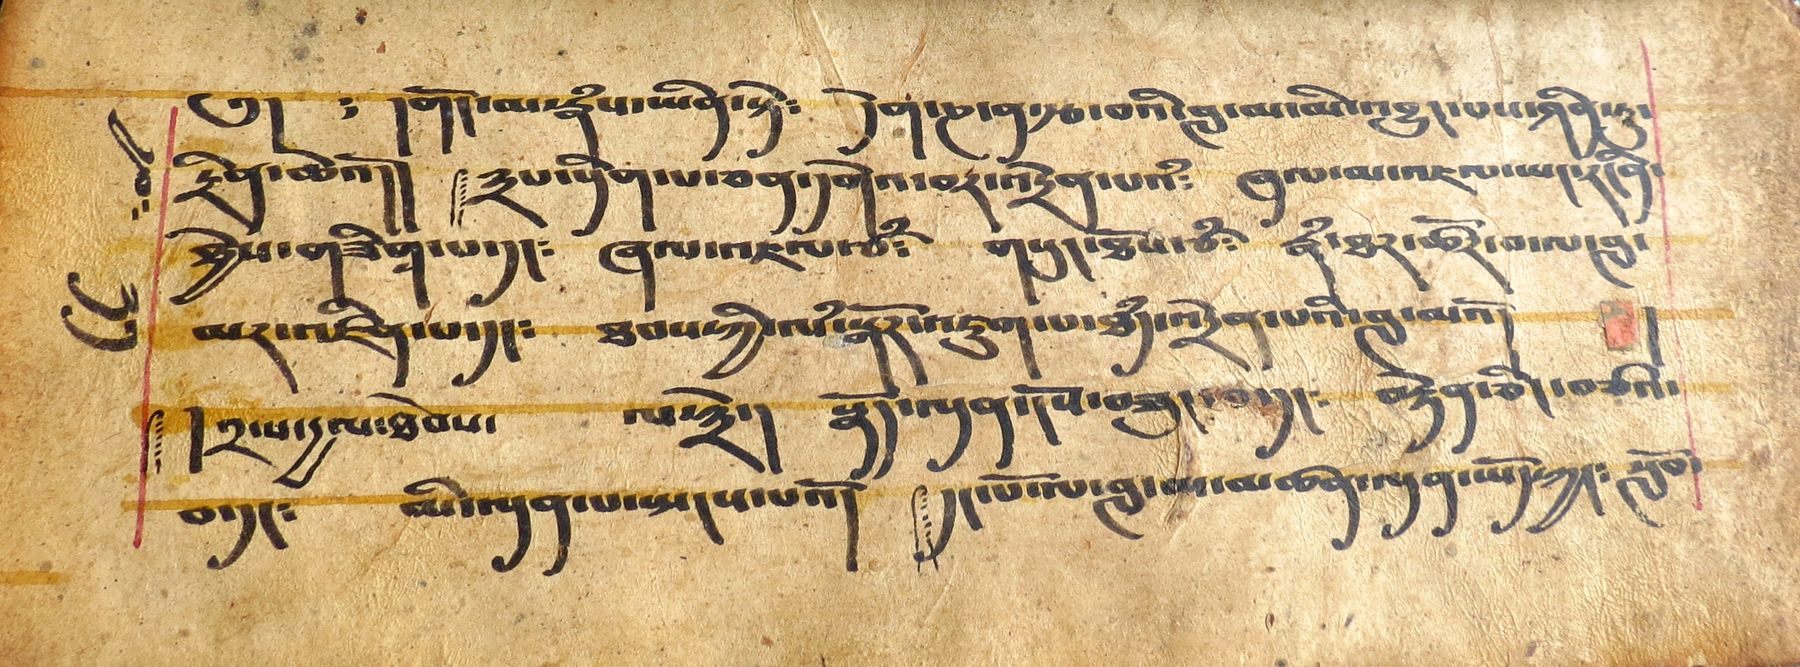གོང་མ་རྣམས་ཡིན་ཏེ། དེ་དག་མེད་ན་རྩ་བའི་བླ་མ་མི་འབྱུང་བས་ཤིན་ཏུ་
དྲིན་ཆེའོ། གསུམ་པ་ནི་སྡིག་པ་ཅན་དགེ་བར་འདྲེན་པ་དང་། ཞལ་མ་མཇལ་ཡང་རང་བཞིན་
ཐུགས་རྗེས་གཟིགས་པ་དང་། ཞལ་མཇལ་ཙམ། གསུང་ཐོས་ཙམ། རྣམ་ཐར་ཚོར་བ་ལ་བླ་
མར་འཛིན་པ་དང་། ཐབས་ཀྱིས་ལམ་སྒོར་འཇུག་པ་ཐམས་ཅད་འདྲེན་པའི་བླ་མའོ། ། 
༧གཉིས་པ་རྒྱལ་ཐེབས་ལ་གསུམ་སྟེ། སྣོད་ལྡན་ངོས་བཟུང་བ་དང་། བསྟེན་ཅིང་བཙལ་
བ་དང་། མི་ལྡན་པ་སྤང་བའོ། དང་པོ་༼སྣོད་ལྡན་ངོས་བཟུང་བ༽ལ། བླ་མ་མཚན་ལྡན་ཡོད་ཀྱང་། སློབ་